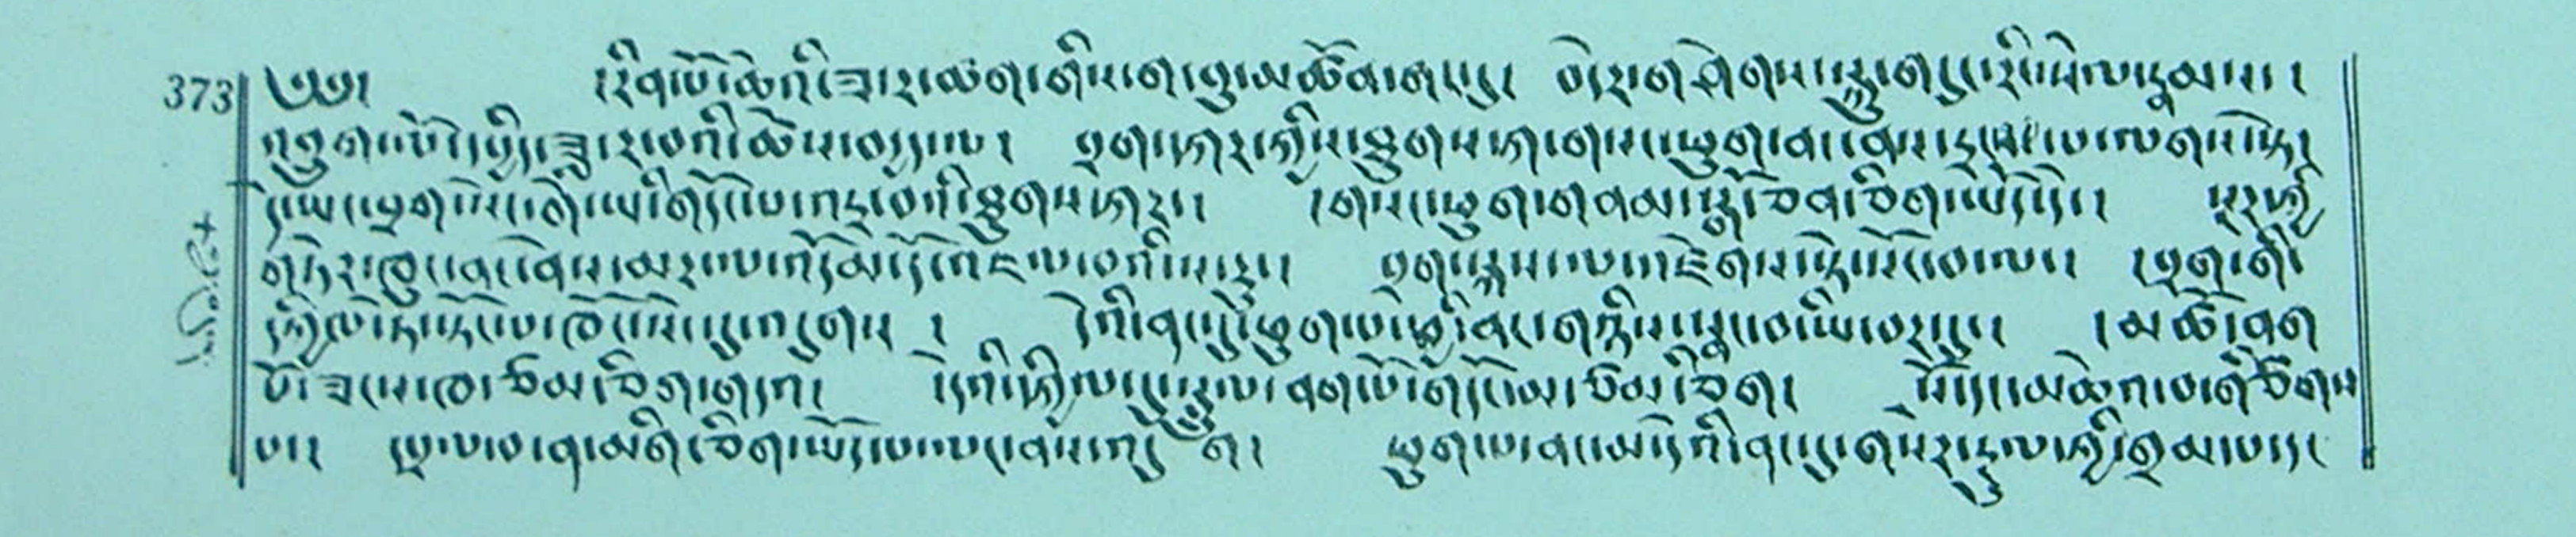༄༅། །རིན་པོ་ཆེའི་ཟ་ར་ཚག་གིས་ག་བུ་མཚོན་གང་དུ། བདེ་གཤེགས་སྐུ་གདུང་རིང་སྲེལ་རྣམས། 
འབྲུག་ལོ་དཔྱིད་ཟླ་ར་བའི་ཚེས་བརྒྱད་ལ། བྲག་དཀར་གྱིས་ཐུགས་ཀ་གསང་ཕུག་ནང་ནས་དྲངས་པ་ལགས་ཏེ། 
དེ་ཡང་བྲག་སེང་གེ་ཡི་གདོང་བ་འདྲ་བའི་ཐུགས་ཀར། གསང་ཕུག་གནམ་སྒོ་ཅན་ཅིག་ཡོད་དོ། །སྔར་གྱི་
གཏེར་ཁུང་ནང་ནས་མར་ལ་འདོམ་དོ་འཇལ་བའི་ས་རུ། བྲག་སྐས་ལ་འཛེགས་སྟེ་སོང་བ་ལ། བྲག་གི་
དཀྱིལ་དེ་སྟོང་བ་ཁོང་སེང་དུ་འདུགས། དེའི་ནང་དུ་ཕུག་པ་ཕྱི་ནང་གཉིས་སྣང་བ་ཡི་བར་དུ། མཚོ་ནག་
པོ་ཟངས་ཁ་ཙམ་ཅིག་གདའ། དེའི་དཀྱིལ་དུ་སྦྲུལ་ནག་པོ་གདོང་མ་ཙམ་ཅིག སོ་དང་མཆེའ་བ་གཙིགས་
པ། དཔྲལ་བ་ན་མིག་གཅིག་ཡོད་པ་ལང་ནས་འདུག ཕུག་པ་ནང་མ་དེའི་ནང་དུ་གསེར་རྔུལ་གྱི་གྲམ་པ་དང་།